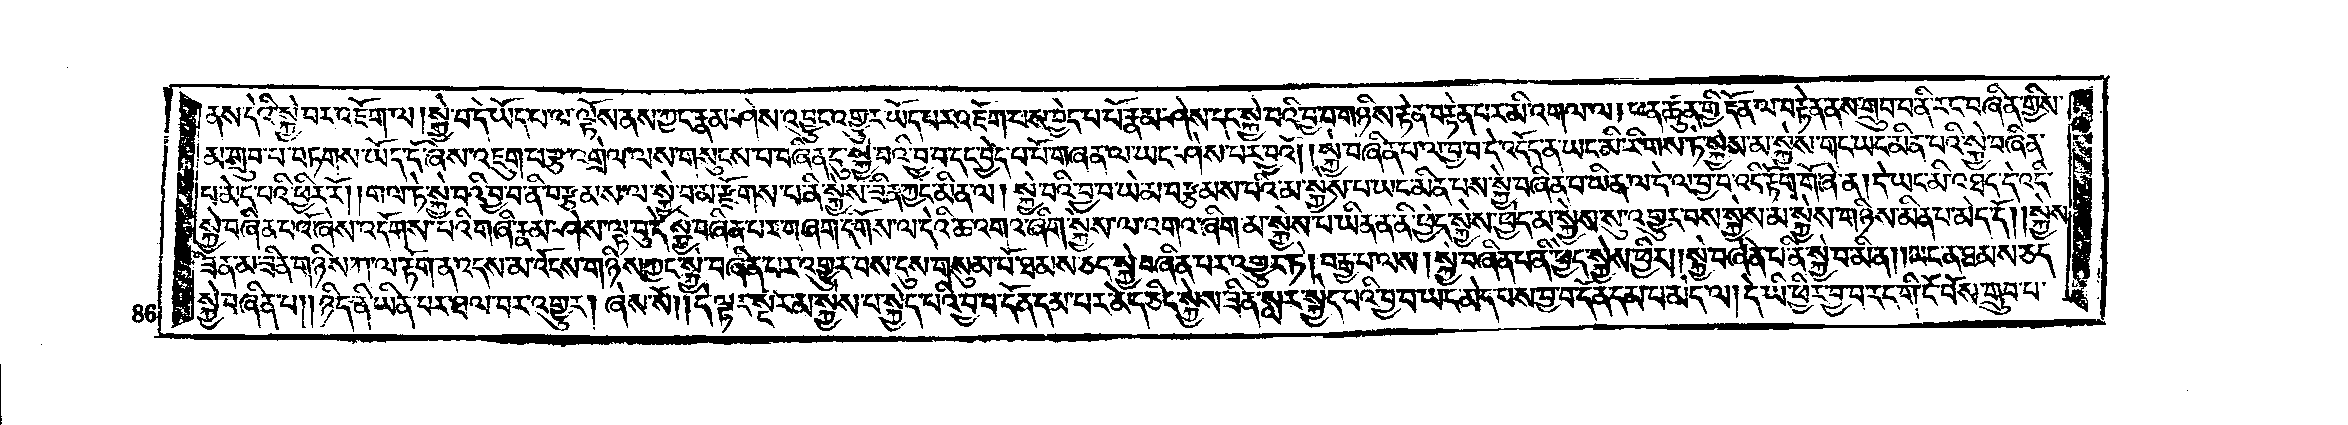ནས་དེའི་སྐྱེ་བར་འཇོག་ལ། སྐྱེ་བ་དེ་ཡོད་པ་ལ་ལྟོས་ནས་ཀྱང་རྣམ་ཤེས་འབྱུང་འགྱུར་ཡོད་པར་འཇོག་པས་བྱེད་པ་པོ་རྣམ་ཤེས་དང་སྐྱེ་བའི་བྱ་བ་གཉིས་རྟེན་བརྟེན་པར་མི་འགལ་ལ། ཕན་ཚུན་གྱི་དོན་ལ་བརྟེན་ནས་གྲུབ་པ་ནི་རང་བཞིན་གྱིས་
མ་གྲུབ་པ་བཏགས་ཡོད་དོ་ཞེས་འཇུག་པ་རྩ་འགྲེལ་ལས་གསུངས་པ་བཞིན་དུ་སྐྱེ་བའི་བྱ་བ་དང་བྱེད་པ་པོ་གཞན་ལ་ཡང་ཤེས་པར་བྱའོ། །སྐྱེ་བཞིན་པ་ལ་བྱ་བ་དེ་འདོད་ན་ཡང་མི་རིགས་ཏེ་སྐྱེས་མ་སྐྱེས་གང་ཡང་མིན་པའི་སྐྱེ་བཞིན་
པ་མེད་པའི་ཕྱིར་རོ། །གལ་ཏེ་སྐྱེ་བའི་བྱ་བ་ནི་བརྩམས་ལ་སྐྱེ་བ་མ་རྫོགས་པ་ནི་སྐྱེས་ཟིན་ཀྱང་མིན་ལ། སྐྱེ་བའི་བྱ་བ་ཡེ་མ་བརྩམས་པའི་མ་སྐྱེས་བ་ཡང་མིན་པས་སྐྱེ་བཞིན་པ་ཡིན་ལ་དེ་ལ་བྱ་བ་འདི་རྟོག་གོ་ཞེ་ན། དེ་ཡང་མི་འཐད་དེ་འདི་
སྐྱེ་བཞིན་པའོ་ཞེས་འདོགས་པའི་གཞི་རྣམ་ཤེས་ལྟ་བུ་དེ་སྐྱེ་བཞིན་པར་གཞག་དགོས་ལ་དེའི་ཆ་འགའ་ཞིག་སྐྱེས་ལ་འགའ་ཞིག་མ་སྐྱེས་པ་ཡིན་ན་ནི་ཕྱེད་སྐྱེས་ཕྱེད་མ་སྐྱེས་སུ་འགྱུར་བས་སྐྱེས་མ་སྐྱེས་གཉིས་མིན་པ་མེད་དོ། །སྐྱེས་
ཟིན་མ་ཟིན་གཉིས་ཀ་ལ་རྟོག་ན་འདས་མ་འོངས་གཉིས་ཀྱང་སྐྱེ་བཞིན་པར་འགྱུར་བས་དུས་གསུམ་པོ་ཐམས་ཅད་སྐྱེ་བཞིན་པར་འགྱུར་ཏེ། བརྒྱ་པ་ལས། སྐྱེ་བཞིན་པ་ནི་བྱེད་སྐྱེས་ཕྱིར། །སྐྱེ་བཞིན་པ་ནི་སྐྱེ་བ་མིན། །མང་ན་ཐམས་ཅད་
སྐྱེ་བཞིན་པ། །ཉིད་ནི་ཡིན་པར་ཐལ་བར་འགྱུར། ཞེས་སོ། །དེ་ལྟར་སྔར་མ་སྐྱེས་པ་སྐྱེད་པའི་བྱ་བ་དོན་དམ་པར་མེད་ཅིང་སྐྱེས་ཟིན་སླར་སྐྱེད་པའི་བྱ་བ་ཡང་མེད་པས་བྱ་བ་དོན་དམ་པ་མེད་ལ། དེ་ཡི་ཕྱིར་བྱ་བ་རང་གི་ངོ་བོས་གྲུབ་པ་